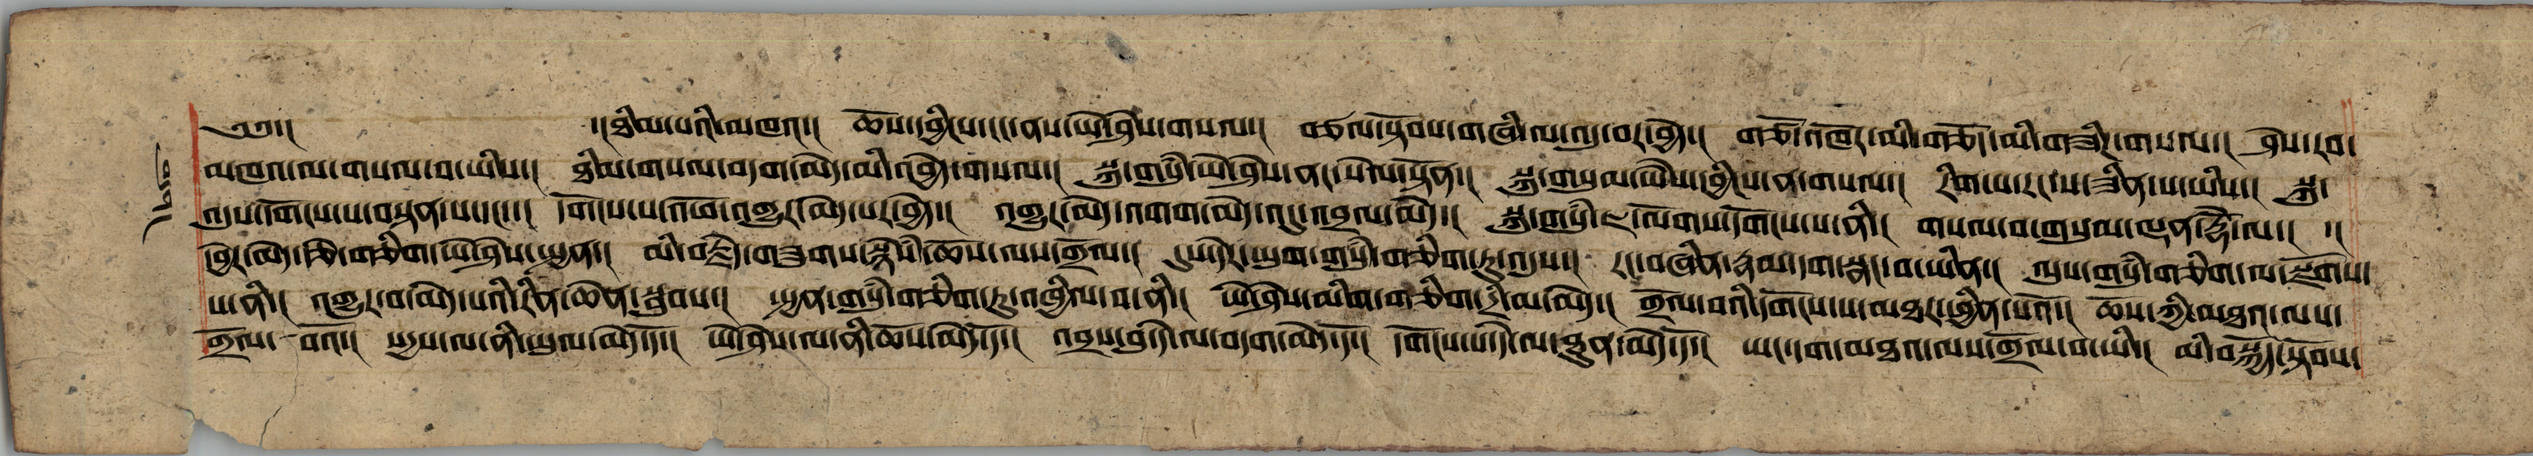༄༅་། ་།ཐིམ་པའི་མཁའ་། ཆོས་དབྱིངས་ངང་ནས་ཡེ་ཤེས་གསལ་། བཙལ་སྟོབས་གཞི་ལ་འདུ་བར་བྱེད་། གཙོ་འཁོར་མི་གཅོད་མི་གཟིགས་གསལ་། ཤེས་རབ་
མཁའ་ལ་གསལ་བ་ཡིས་། ཐིམ་གསལ་བདག་མེད་མི་འབྱེད་གསལ་། སྐུ་གསུཾ་ཡེ་ཤེས་ནང་སེལ་སྟོན་། སྐུ་གསུམ་ཡཻས་དབྱིངས་ན་གསལ་། རིག་པ་རང་ས་ཟིན་པ་ཡིས་། སྐུ་
འདུས་དགོངས་པ་བསྟན་པ་དང་་། དགོངས་པ་འཕོ་འགྱུར་མེད་པར་བྱེད་། འགྱུར་མེད་འགག་མེད་འདུ་འབྲལ་མེད་། སྐུ་གསུཾ་ཇ་ལོགས་་དགོངས་པ་ནི་། གསལ་བ་གསུམ་ལྡན་རྡོེ་ལ་། ་།
དབྱེར་མེད་རྩེ་གཅིག་ཡེ་ཤེས་སྤྱན་། མི་བརྗེད་གཟུགས་སྙེསཾ་ཆོས་ལས་གྲོལ་། དུས་དེར་ཡུག་གསུཾ་གཅིག་ཏུ་འདུས་། རང་བཞིན་རྣམ་དག་སྣང་བ་ཡིན་། ལུས་གསུཾ་གཅིག་ལ་སྫོགས་
ཡིན་། འགྱུར་བ་མེད་པའི་རིན་ཆེན་སྦུབས་། སྤྱན་གསུཾ་གཅིག་ཏུ་འཁྱིལ་བ་ནི་། ཡེ་ཤེས་མིག་གཅིག་དྲི་མ་མེད་། གྲོལ་བའི་དགོངས་པ་མཐར་ཕྱིན་པའོ་། ཆོས་ཀྱི་མཐའ་ལས་
གྲོལ་ བའོ་། སདྱས་ལ་ནི་ཡུལ་མེད་དོ་། ཡེ་ཤེས་ལ་ནི་ཆོས་མེད་དོ་། འབྲས་བུ་དེ་ལ་བདག་མེད་དོ་། དགོངས་པ་དེ་ལ་ཐུན་མེད་དོ་། ཡང་དག་མཐའ་ལས་གྲོལ་བ་ཡི་། མི་བསྐྱོད་སྟོབས་